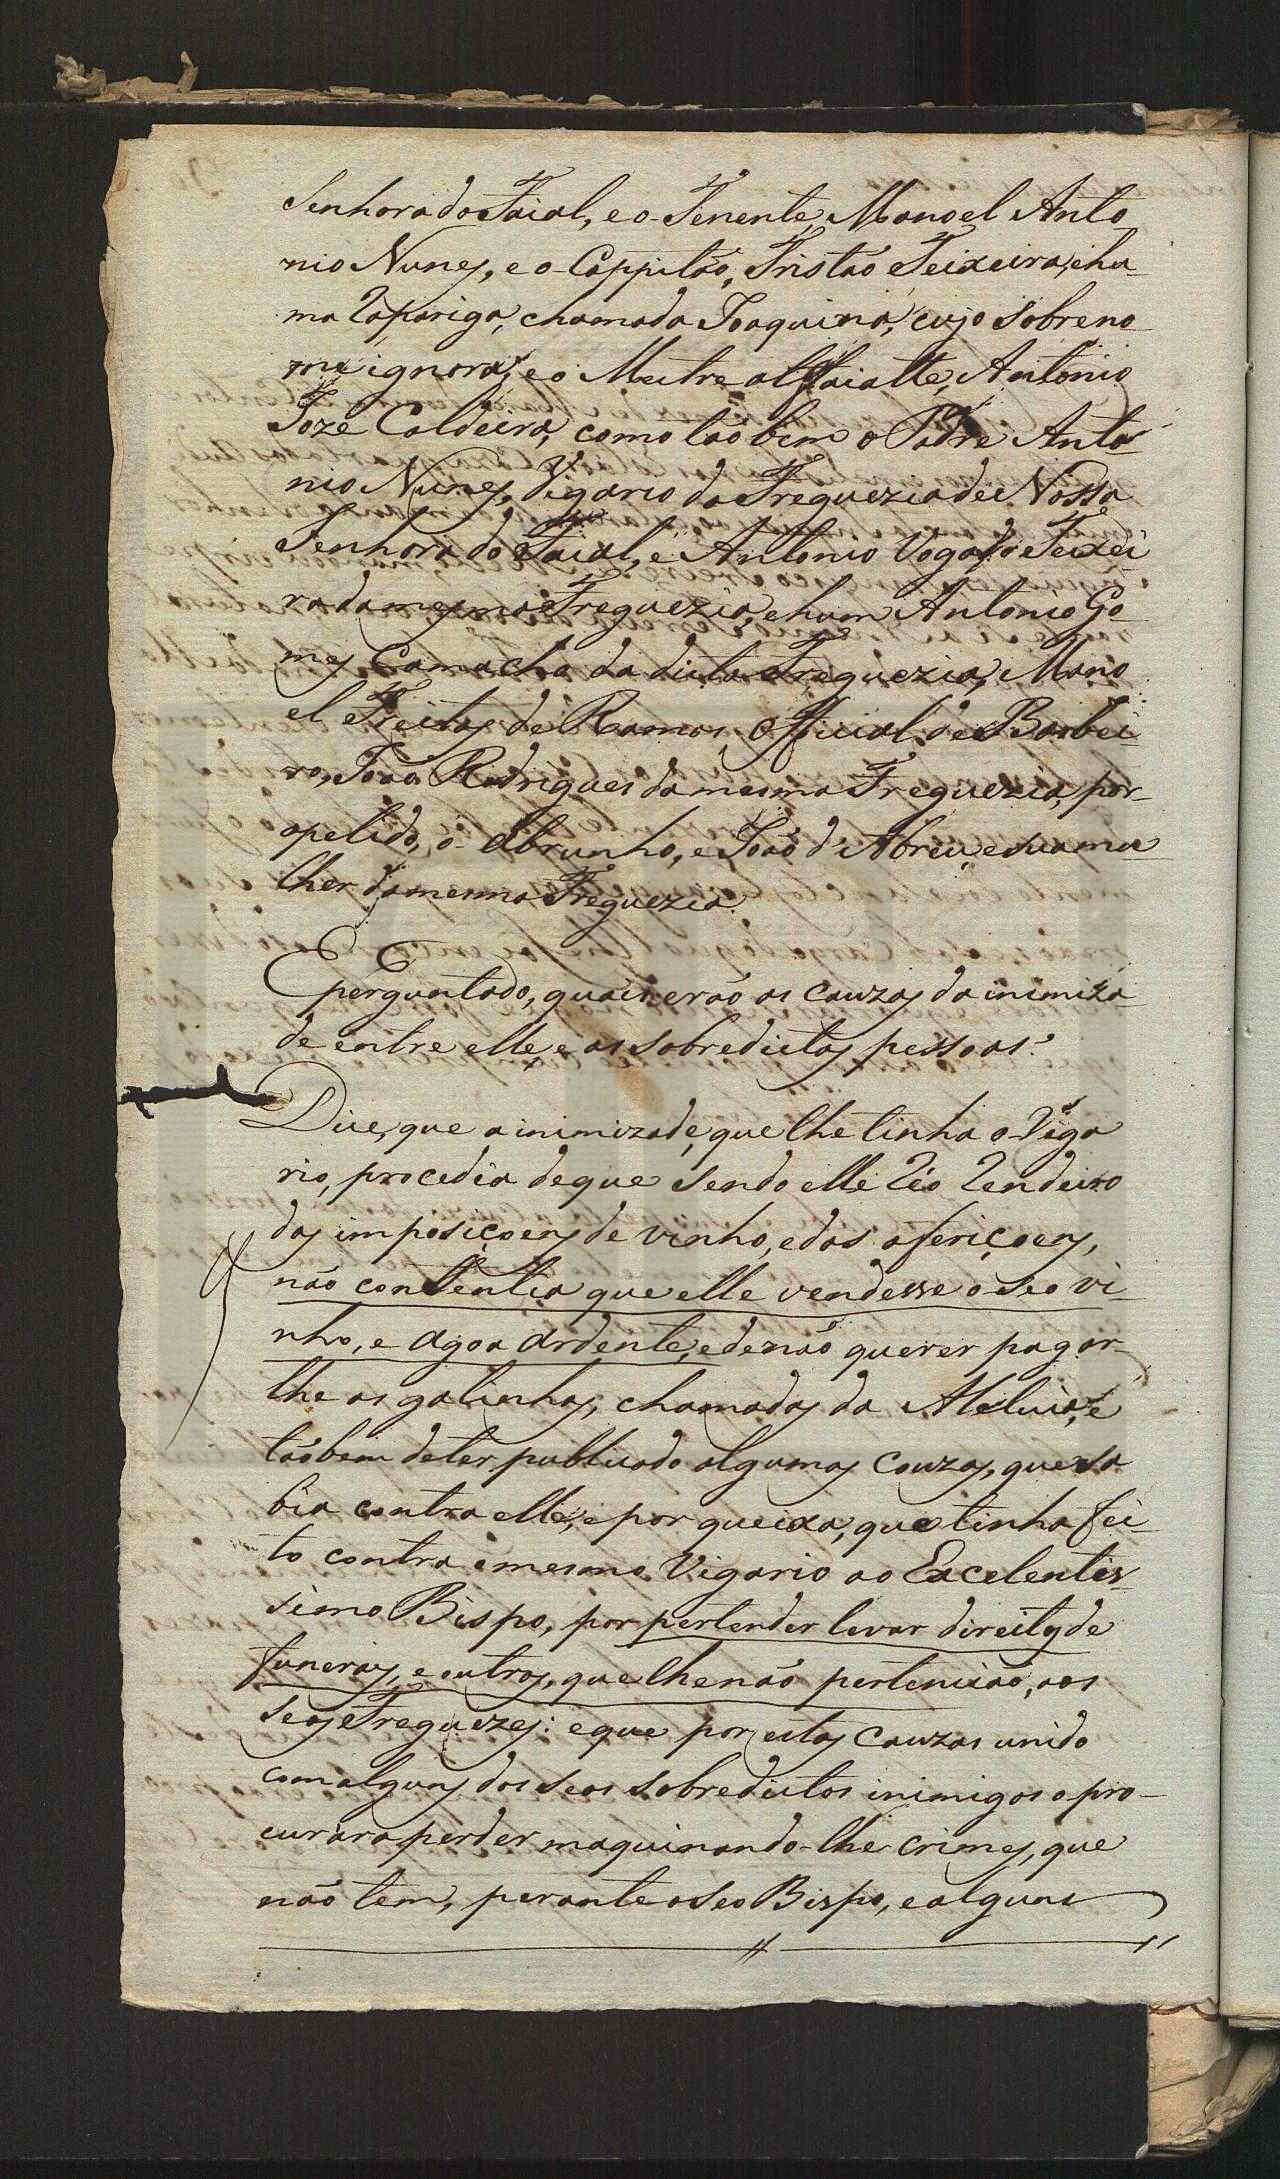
Senhora do Faial, e o Tenente Manoel Anto
nio Nunes, e o Cappitaõ, Tristaõ Teixeira, e hu
ma Rapariga, chamada Ioaquina, cujo sobreno
me ignora, e o Mestre alfaiatte, Antonio
Ioze Caldeira, como taõbem o Padre Anto
nio Nunes, Vigario da Freguezia de Nossa
Senhora do Faial, e Antonio Vogado Teixei
ra da mesma Freguezia, e hum Antonio Go
mes Camacho da dicta Freguezia, Mano
el Freitas de Ramos official de Barbei
ro, Ioão Rodrigues da mesma Freguezia, por
apelido, o abrunho, e Ioaõ d'Abreu, e sua mu
lher da mesma Freguezia.
E perguntado, quais eraõ as cauzas da inimiza
de entre elle, e as sobredictas pessoas.
Dice, que a inimizade, que lhe tinha o Viga
rio, procedia de que sendo elle Réo Rendeiro
das imposiçoens de vinho, e das aferiçoens,
naõ conssentia que elle vendesse o seo vi
nho, e agoa ardente, e de naõ querer pagar
lhe as galinhas, chamadas da Aleluia, e
taõbem de ter publicado algumas couzas, que sa
bia contra elle; e por queixa, que tinha fei
to contra o mesmo Vigario ao Excelentis
simo Bispo, por pertender levar direitos de
funerais, e outros, que lhe não pertenciaõ, aos
seos Freguezes: e que por estas cauzas unido
com alguns dos seos sobredictos inimigos o pro
curara perder maquinando-lhe crimes, que
naõ tem, perante o Seo Bispo, e alguns
